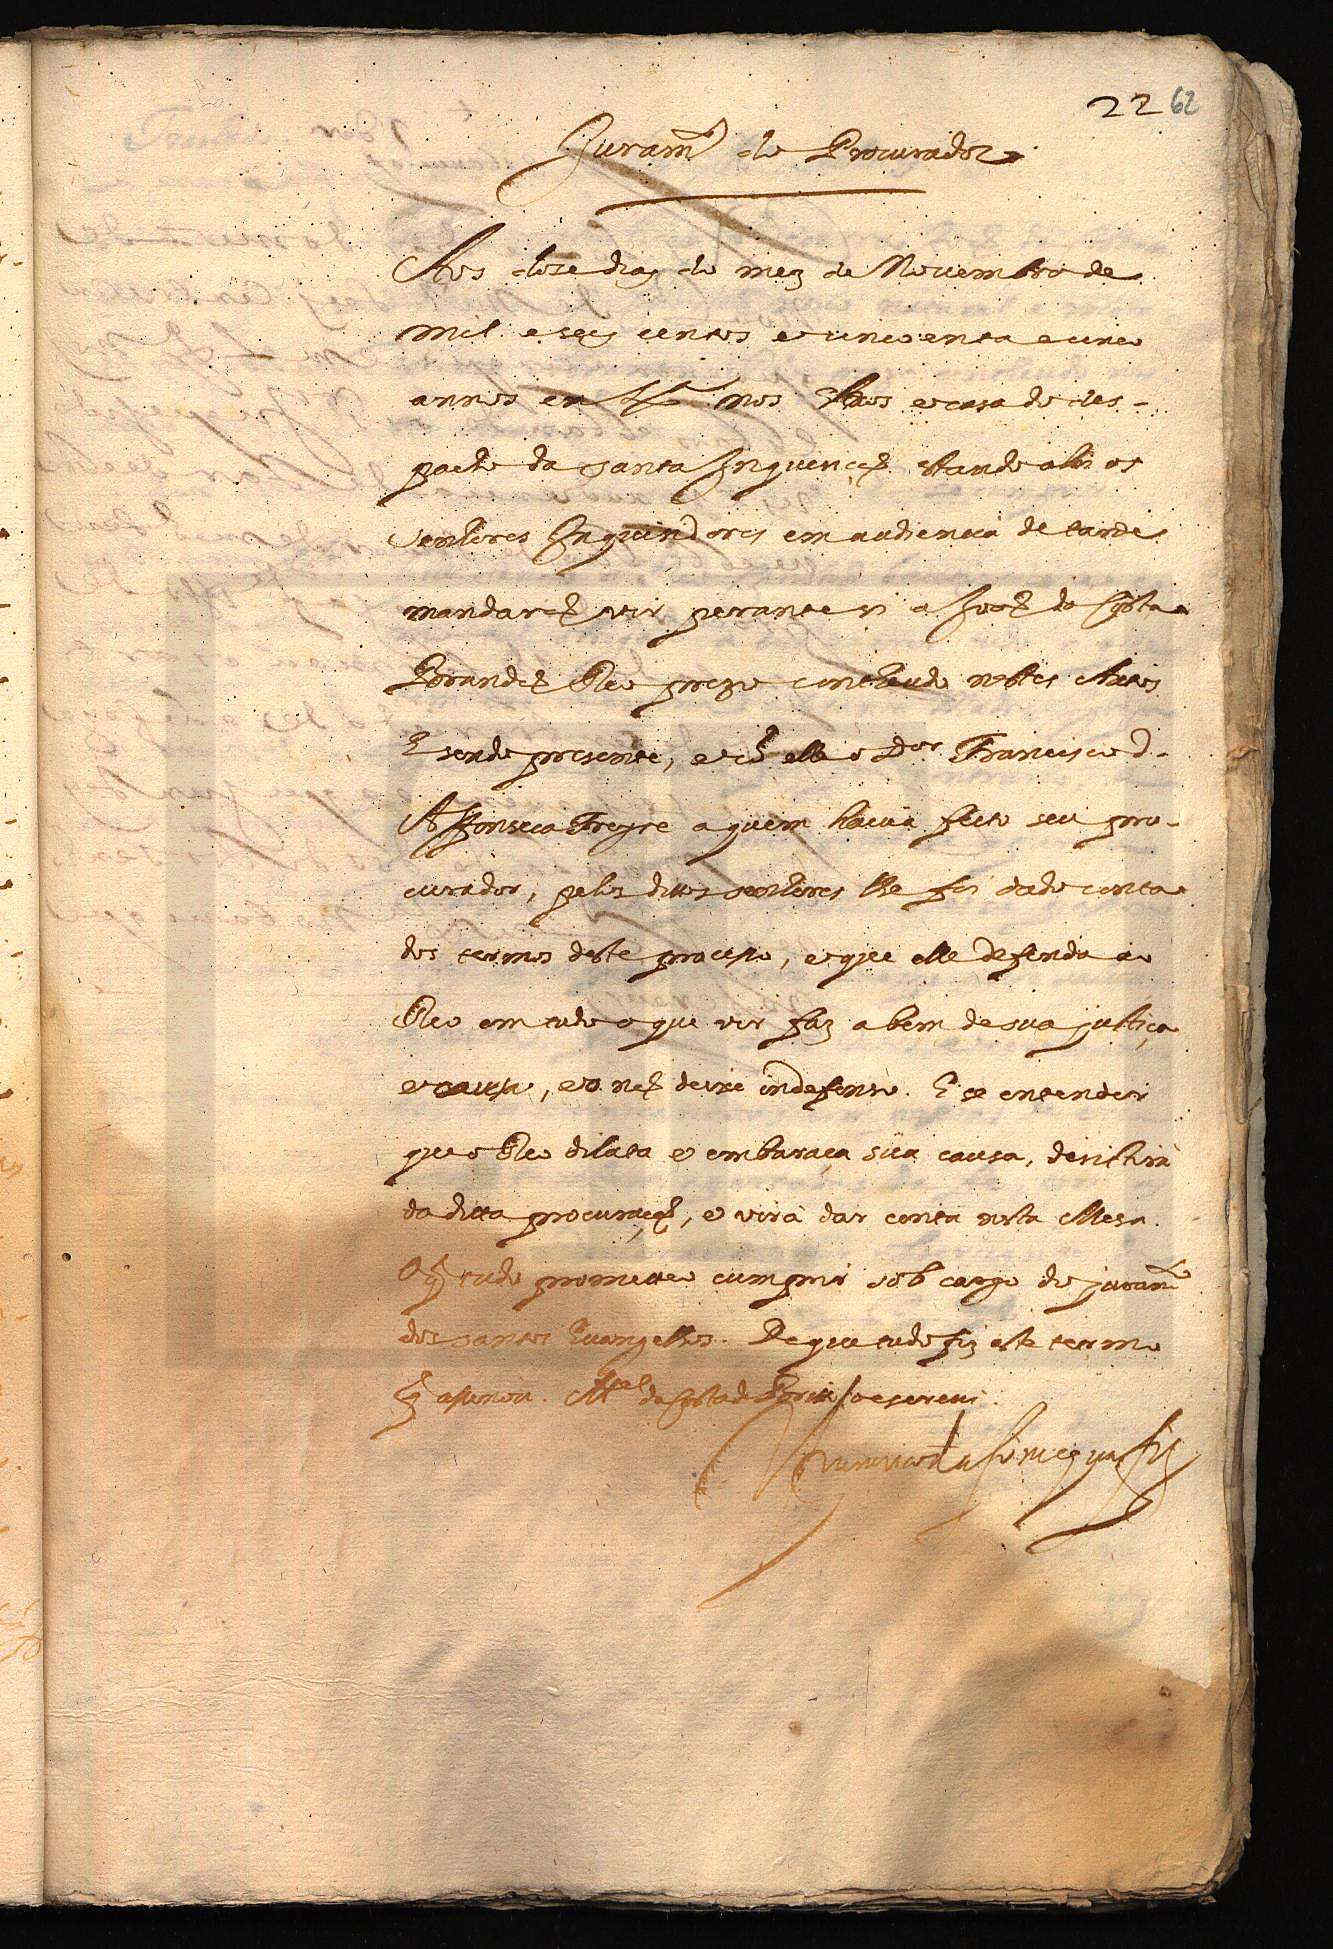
22
Juramto do Procurador
Aos doze dias do mez de Nouembro de
mil e seiscentos e cincoenta e cinco
annos em Lxa nos estaos e casa do des
pacho da santa Jnquisiçaõ estando ahi os
Senhores Jnquisidores em audiencia de tarde
mandaraõ vir perante si a Joaõ da Costa
Brandaõ Reo prezo contheudo nestes Autos
E sendo presente, e cō elle o D.or Francisco de
Affonseca Freyre a quem hauia feito seu pro
curador, pelos dittos senhores lhe foi dado conta
dos termos deste processo, e que elle defenda ao
Reo em tudo o que vir faz a bem de sua justiça
e causa, e o naõ deixe indefenso. E se entender
que o Reo dilata e embaraça sua causa, desistira
da ditta procuraçaõ, e vira dar conta nesta Mesa
O q̄ tudo prometteo cumprir sob cargo do juramto
dos santos Euangelhos. De que tudo fiz este termo
q̄ asinou. Mel da Costa Britto o escreui
Francisco da foncequa frz
